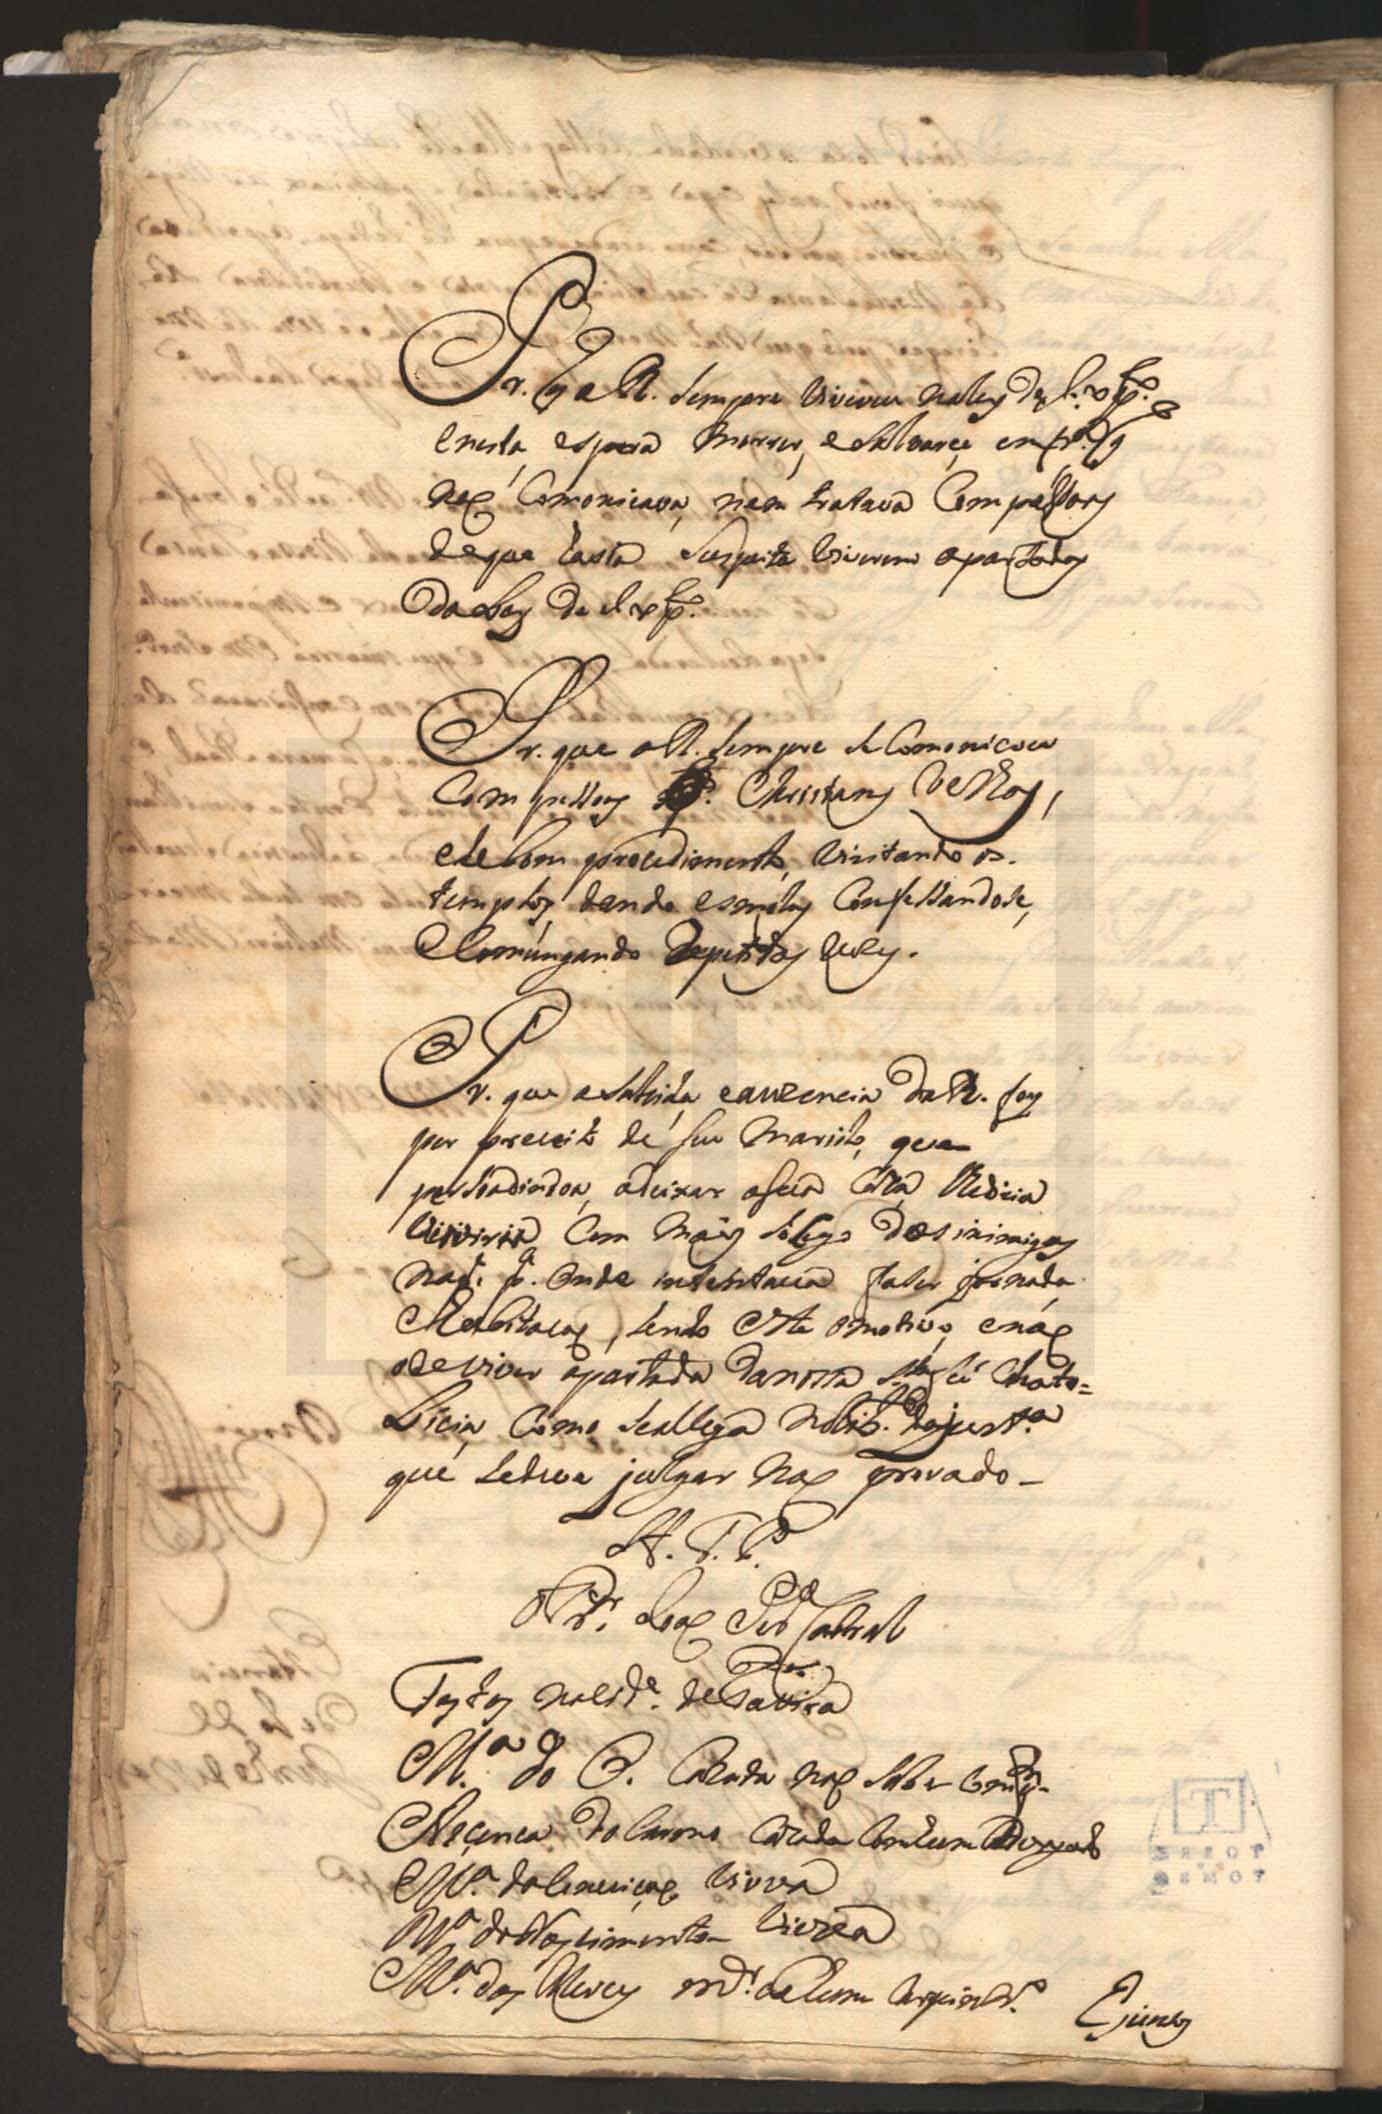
Pr. q̄ a R. sempre viveveu na ley de J: xp.to
e nesta, espera morrer, e Salvarce em fr.a q̄
naõ Comonicava, nem tratava Com pessoas
de que hasta suspeita viverem apartadas
da Ley de I xpto.
Pr. que o R. sempre se Comonicou
Com pessoas _ Christans velhos,
e de bom procedimento, vizitando os.
templos, dando esmolas Confessandose,
E Comungando Repetidas vezes.
Pr. que a Sahida, e auzencia da R. foy
per preceito de seu Marido, que
persoadindoa, a deixar a sua Caza lhe dizia
viviria Com Mais soCego dos inimigos
na p.e p.a Onde intentaua faser jornada
e habitaçaõ, sendo este o motivo, e naõ
o de viver apartada da nossa s.ta feé Chato
Licia, Como se allega no lib.o da just.a
que se deve julgar naõ provado
H. T. P.
o D.or Ioaõ Pera Cabral
Testos na cid.e de Tavira
M.a do O. Cazada naõ sabe com q.m
Vicença do Carmo Cazada Com hum Aderyal
E M.a da Conceiçaõ viuva
Ma do Nascimento- Viuva
M.a das Merces m.er de hum Carpintr.o
E juntos
